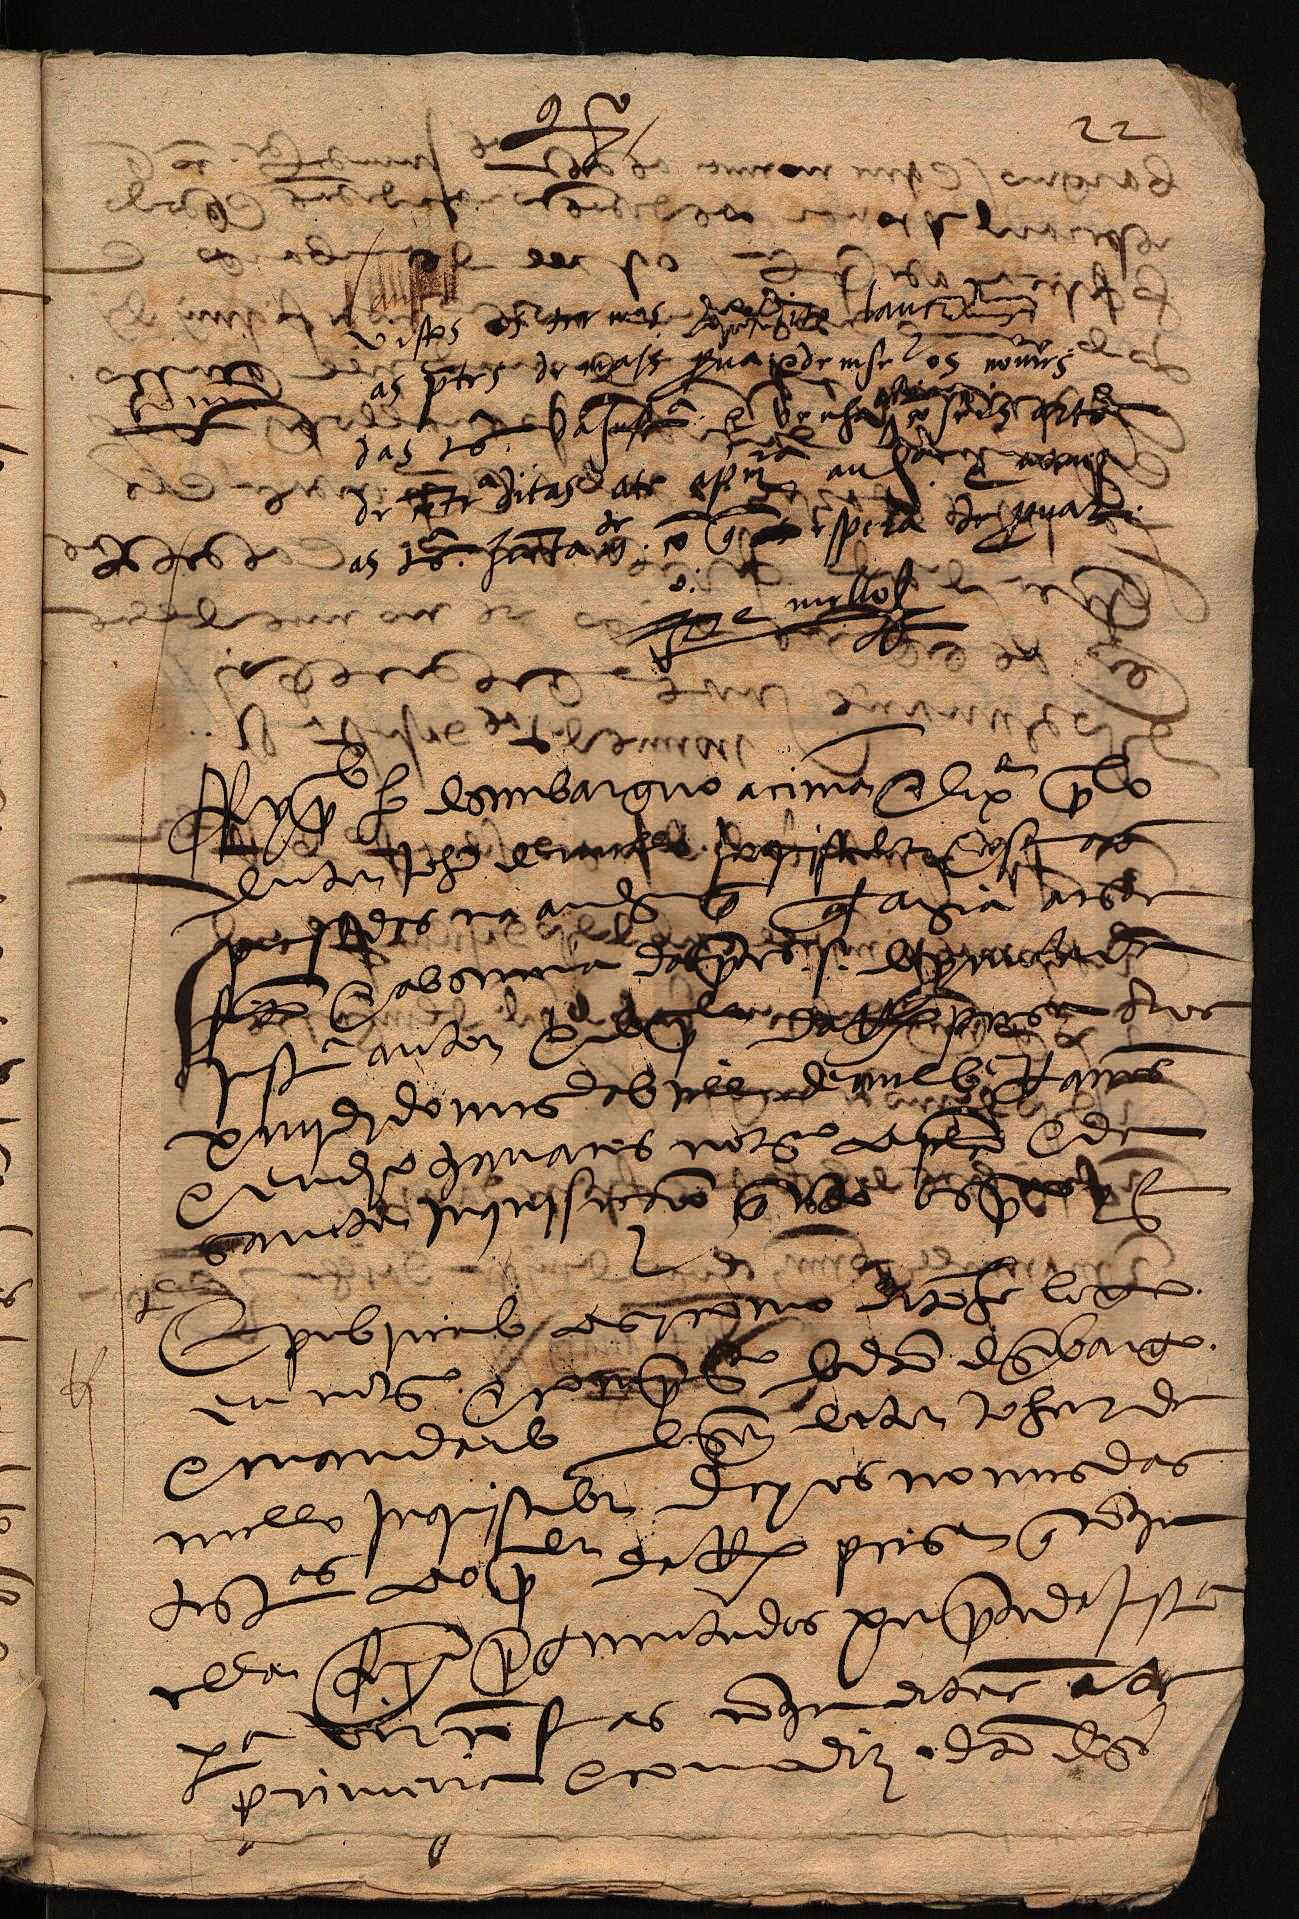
ꝯo
22
vistos os termos deste feito lançamos
as p̄tes de majs ꝓua e demse os nomes
das tas da Justa. e venha c̄o seus artos
de c̄otraditas ate a pimra audja e nomee
as tas Juntamte. c̄o q̄ se espera de ꝓuar.
ffoy p̄do ho desembarguo acima ē lixa p̄lo
doutor Johā de mello Jnqujsidor ē suas
pousadas na audja q̄ fazia a este
fc̄to ē absencia das p̄tes .s. do ꝓmotor da
Justa autor e do p̄dor da Rꝭ presa Aos
xiiij di do mes dabrill de mil bc R annos
e eu djo trauaços notro ap̄lco e da
sancta Jnqujsição q̄ esto esp̄vy
E pubricado asj como dito he logo
eu notro ē comp̄mto do dt̄o desēbargo
e mandado do s̄or doctor Johā de
mello Jnqujsidor dey os nomes das
testas ao p̄dor da Rꝭ presa q̄ c̄otra
ella forā ꝑgumtadas por p̄te da Justa
ꝑa vir c̄o suas cōtraditas ate
primeira e como diz o dtō desē
